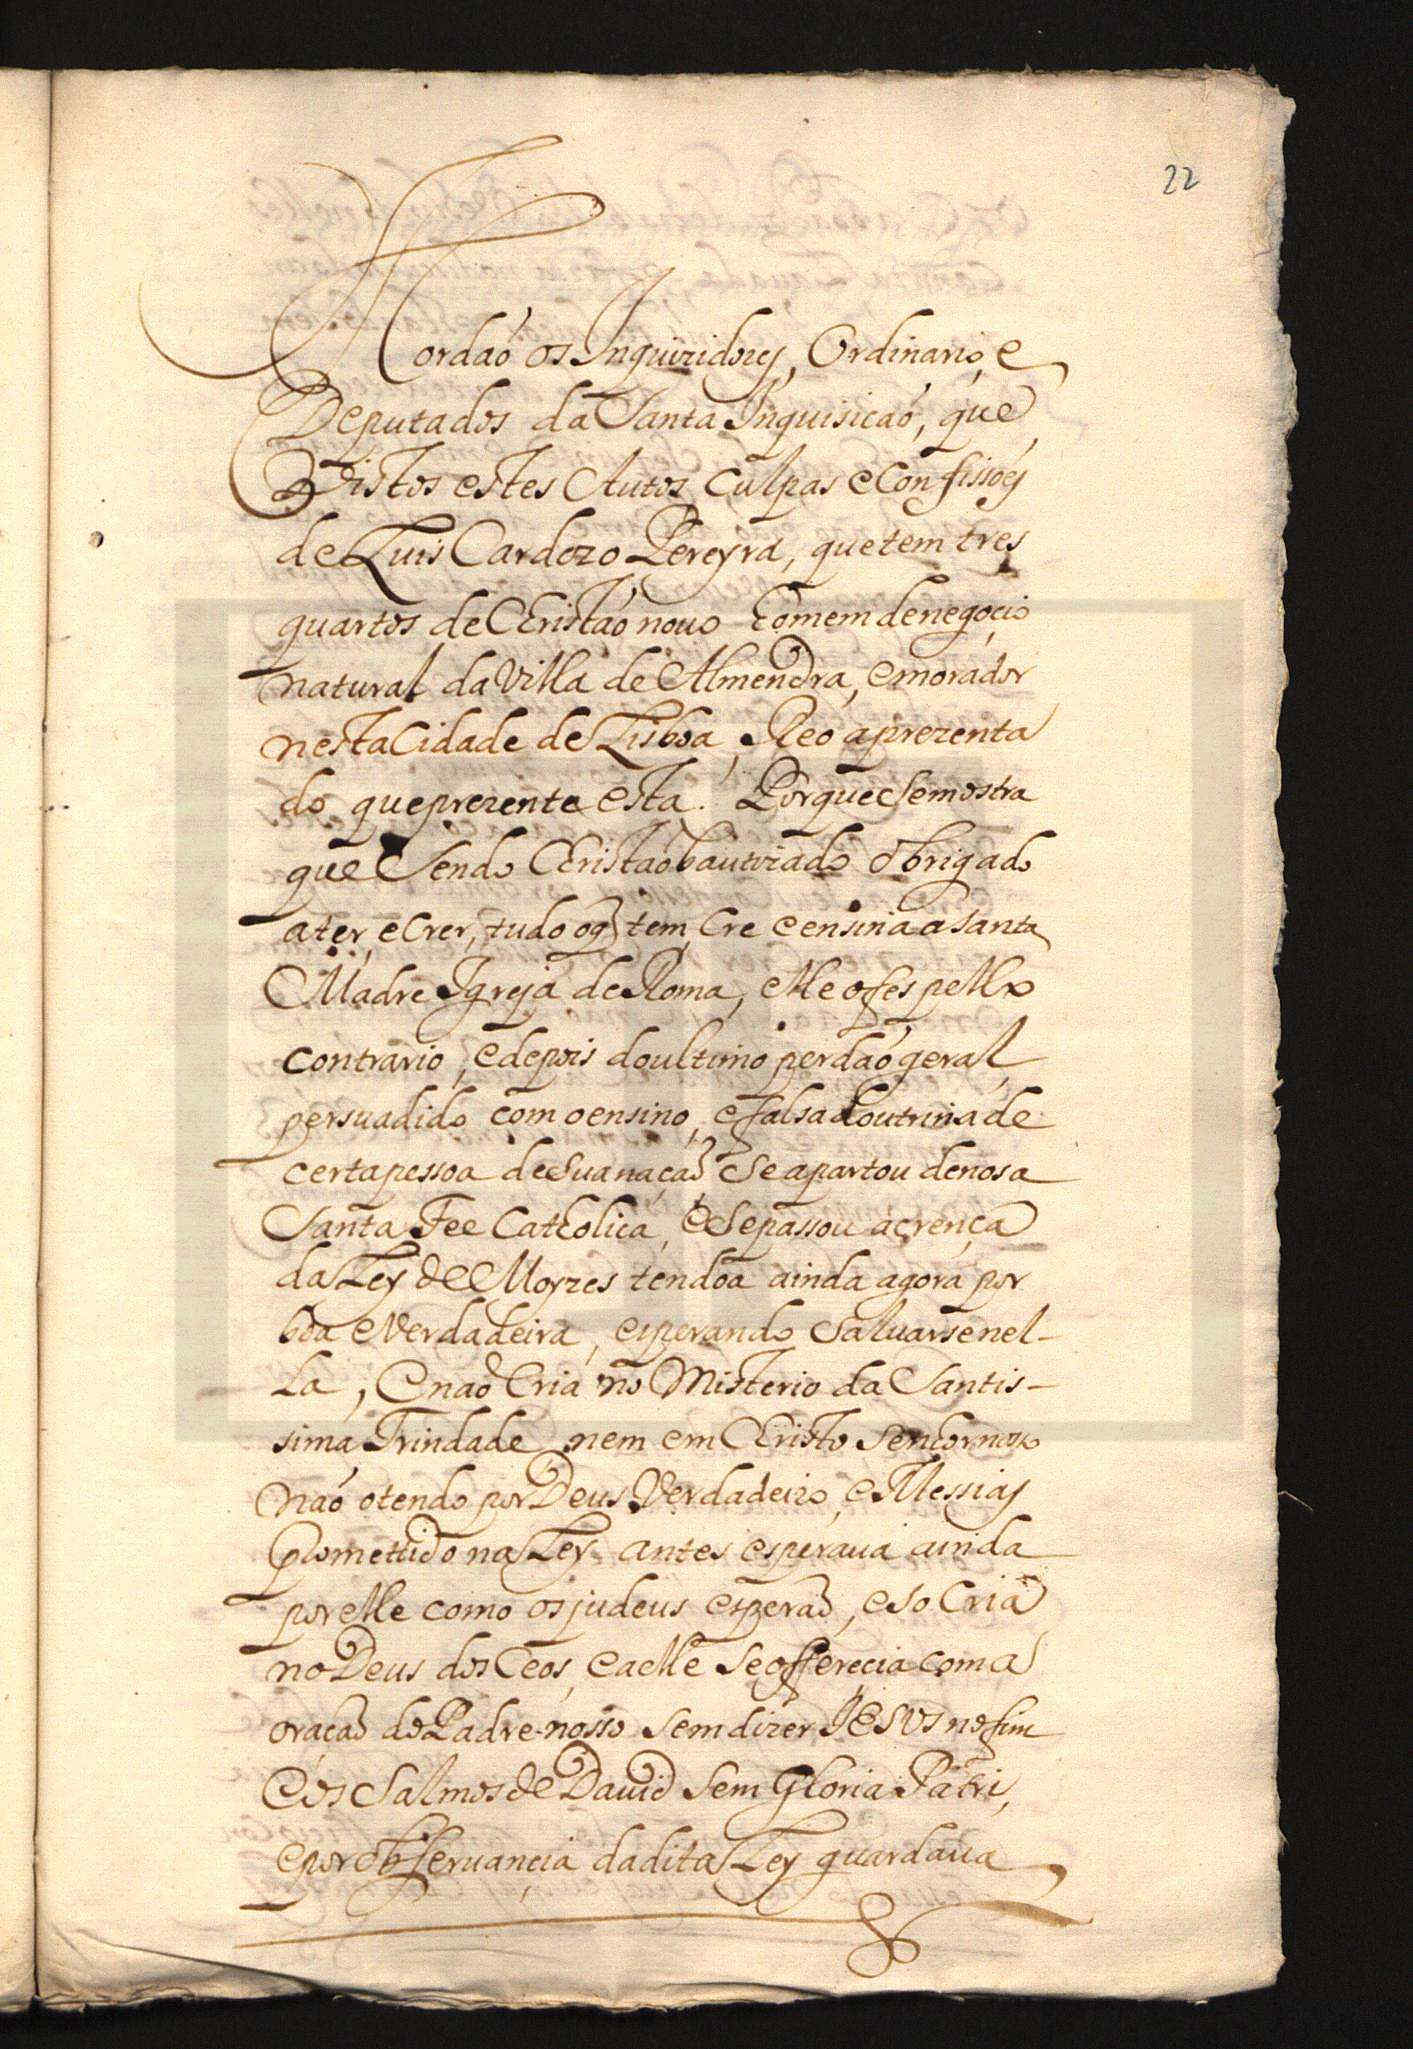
ACordaõ os Inquizidores, Ordinario, e
Deputados da Santa Inquisicaõ, que
Vistos estes Autos, Culpas e Confissoés
de Luis Cardozo Pereyra, que tem tres
quartos de Christaõ nouo homem de negoçio
natural da Villa de Almendra, e morador
nesta Cidade de Lisboa, Reo aprezenta
do que prezente esta. Porque se mostra
que Sendo Christaõ bautizado obrigado
a ter, e crer, tudo o q̄ tem, Cre e ensina a santa
Madre Igreja de Roma, elle o fes pello
contrario, e depois do ultimo perdaõ geral,
persuadido com o ensino, e falsa doutrina de
certa pessoa de sua naçaõ se apartou de nosa
Santa Fee Catholica, e se passou a crença
da Ley de Moyzes tendoa ainda agora por
boa e verdadeira, esperando saluarse nel
la, e naõ Cria no Misterio da Santis
sima Trindade, nem em Christo senhor nosso
não o tendo por Deus Verdadeiro, e Messias
promettido na Ley antes esperaua ainda
por elle como os judeus esperaõ, e so Cria
no Deus dos Ceos, e a elle se offereçia com a
oraçaõ do Padre nosso sem dizer JESVs no fim
e os Salmos de Dauid Sem Gloria Patri,
e por obseruançia da dita Ley guardaua
